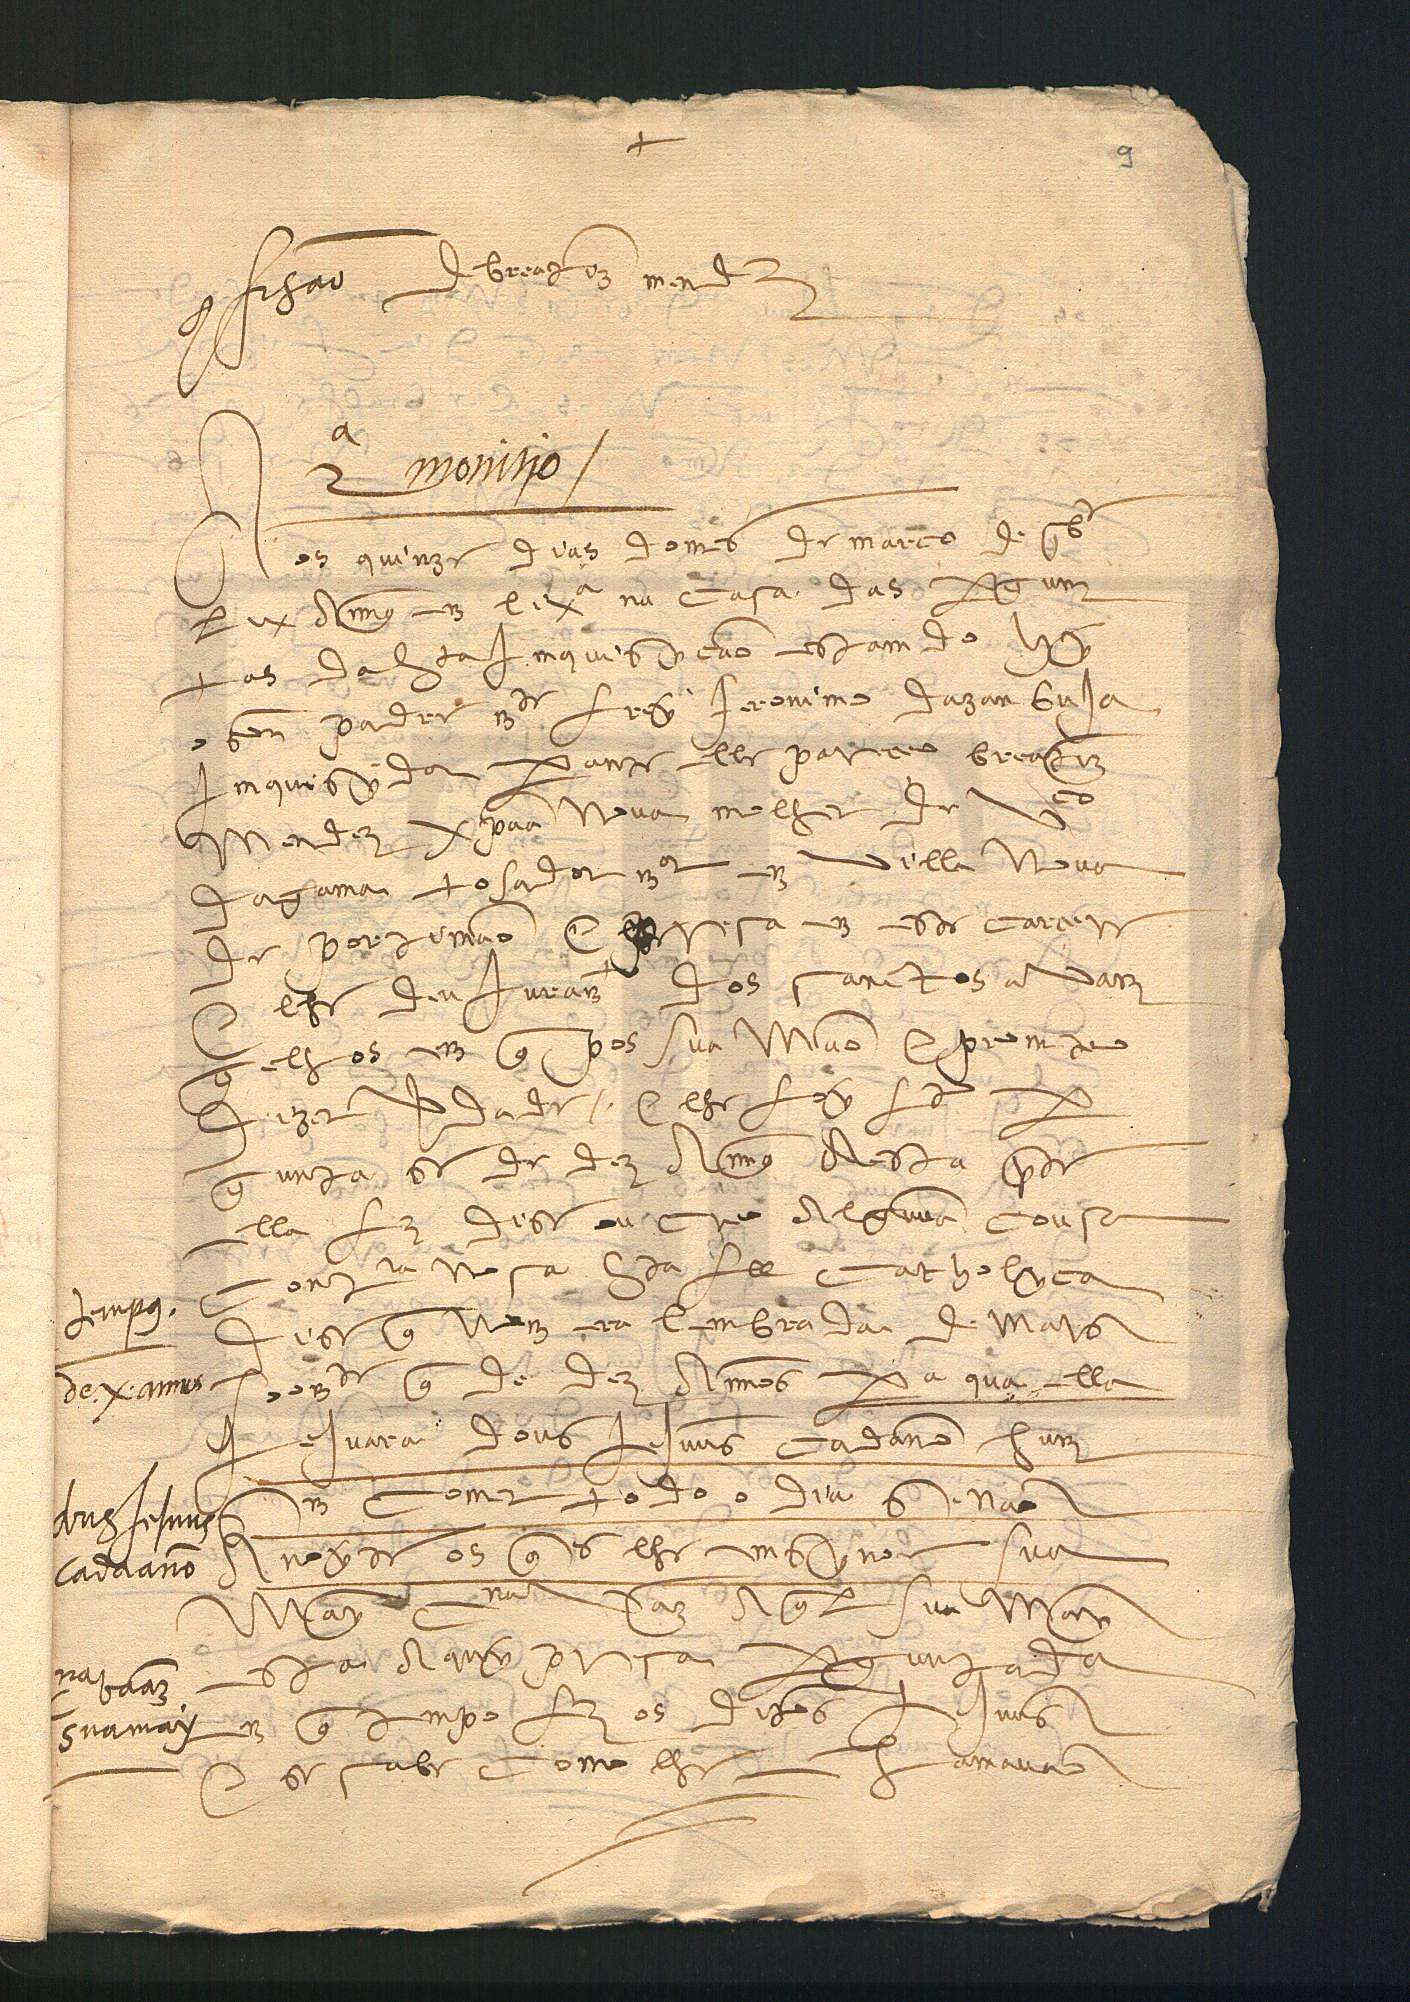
tempꝯ.
de X. annos
dous JeJuus
cada an̄o
Cna Vaāz
sua may
ꝯfisão de breatiz̄ mendez
2a monitjo /
Aos quinze dias do mes de marco de j̄bc
Lix Annꝯ em lixa na Casa das ꝑgum
tas da Sta Jmquisycão estamdo hy
o so̅r padre mte frey Jeronimo dazanbuJa
Jmquisydor ꝑante elle pareçeo breatiz
Mendez xpāa Noua molher de Vco
da gama tosador mor em Villa Noua
de portimão e presa em este carçere
e lhe deu Juramto dos sanctos avam
gelhos em q̅ pos sua Mão e prometeo
dizer ꝟdade /. e lhe foy fto ꝑ
gunta se de dez Ann̄ꝯ A esta p̄te
ella fez dise ou creo Algūua cousa
Contra nosa Sta fee catholyca
dise q̄ nom era lembrada de majs
soomte q̅ de dez An̄nos ꝑa qua ella
JeJuara dous JeJūus cadan̄o hum
sem Comer todo o dia senão
A noyte os q̄es lhe emsynou sua
Māy Cna Vāz A q̄L sua May
esta Aquy presa ꝑguntada
em q̄ tempo fez os dit̄os JeJuūs
e se sabe como lhe chamauaõ
